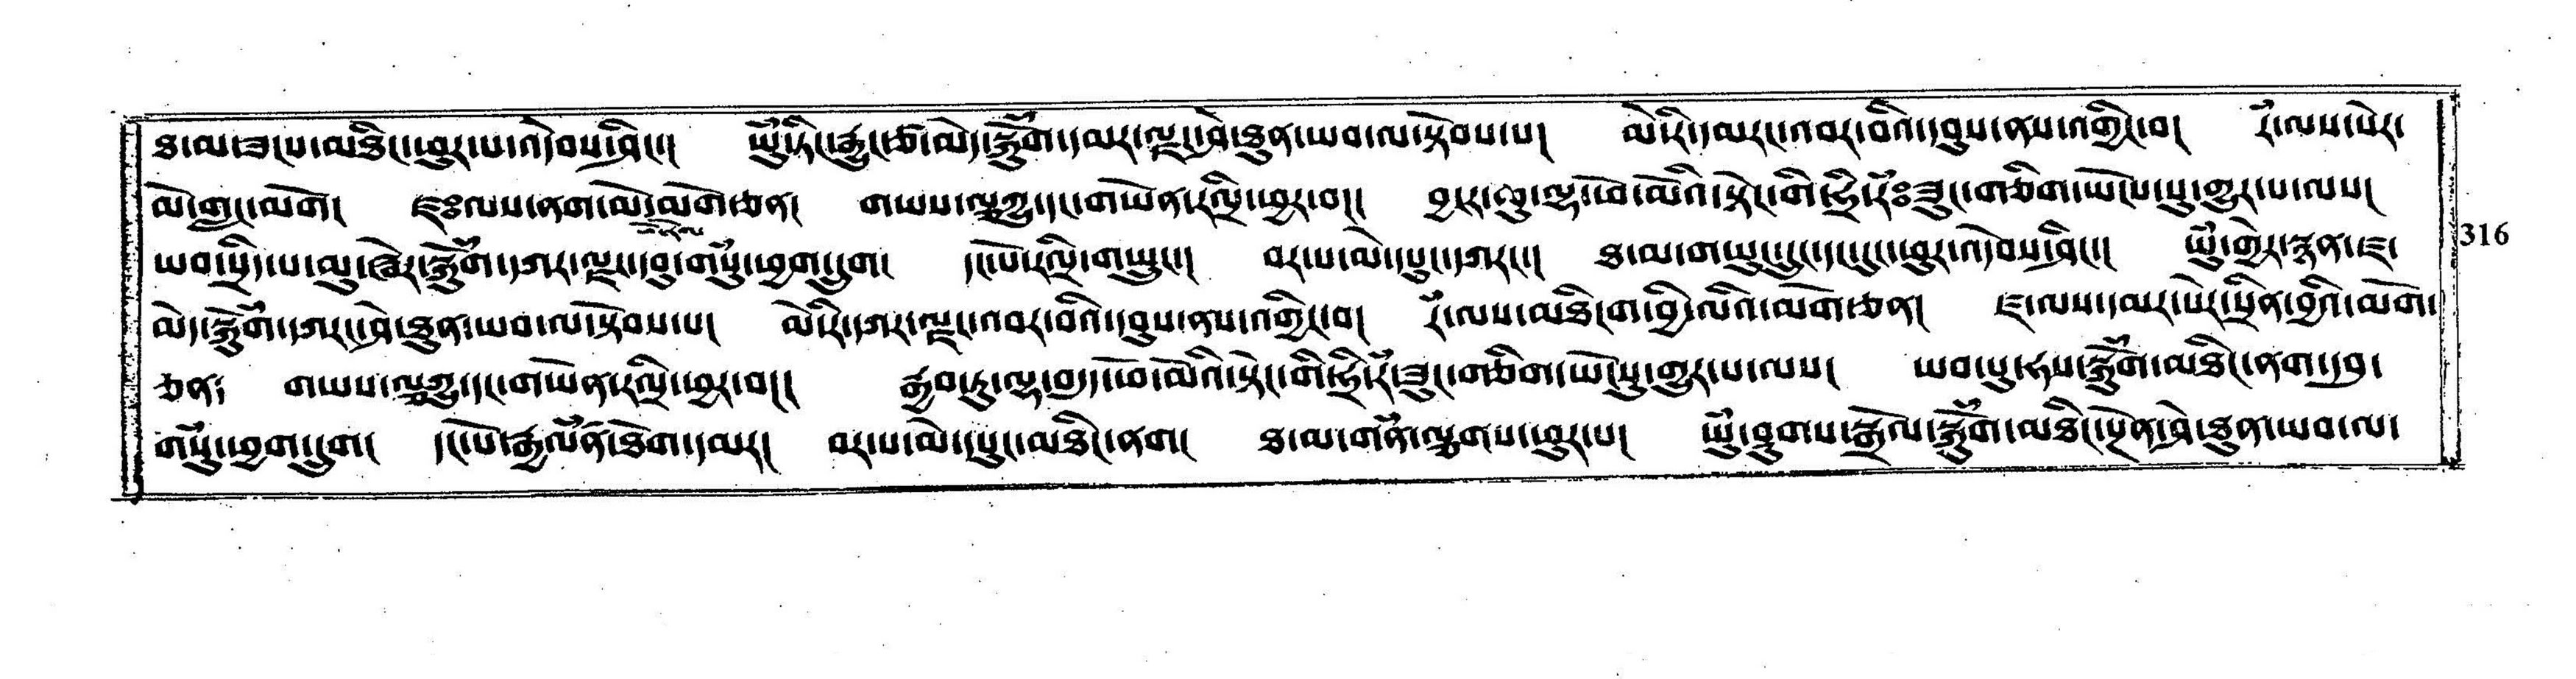ཐ་མ་ཟངས་མཐིང་ཕུར་པ་འདེབས་ཤིང་། ཡུམ་ཏིང་རྒྱུང་ཙ་མེད་སྐུ་མདོག་དམར་ལྗང་ཤེ་ཐུན་ཡབ་ལ་སྟོབས་པ། མེ་རི་དམར་ལྗང་འབར་བའི་དབུས་ནས་འགྱིང་བ། རཾ་ལས་སེར་
མོ་གླང་མགོ ཛཿལས་ནག་མོ་ཕོ་རོག་མགོ་ཅན། གཡས་ལྕག་ཀྱུ་དང་གཡོན་རལ་གྲི་ཕྱར་བ།། བྱང་ཤར་ཆུ་ལྷ་ཕོ་མོའི་སྟེང་གི་ཧྲི་རཾཿཟུང་གཅིག་ཡོངས་སུ་གྱུར་པ་ལས། 
ཡབ་སྲིད་པ་མུ་ཝེར་སྐུ་མདོག་དཀར་ལྗང་དབུ་གསུམ་ཕྱག་དྲུག དང་པོ་རལ་གྲི་གཡུང་དྲུང་། བར་པ་མེ་དཔུང་དཀར་ལྗང་། ཐ་མ་གཡུང་དྲུང་དང་དུང་ཕུར་འདེབས་ཤིང་། ཡུམ་གྱེར་སྙན་ཛ་
མེད་སྐུ་མདོག་དཀར་ལྗང་ཤེ་ཐུན་ཡབ་ལ་སྟོབས་པ། མེ་རི་དཀར་ལྗང་འབར་བའི་དབུས་ནས་འགྱིང་བ། རཾ་ལས་མཐིང་ནག་བྱི་ལའི་མགོ་ཅན། ཛ་ལས་དམར་སེར་སྲིན་བྱའི་མགོ་
ཅན། གཡས་ལྕག་ཀྱུ་དང་གཡོན་རལ་གྲི་ཕྱར་བ།། རྒྱབ་ཏུ་ལྷ་བདུད་ཕོ་མོའི་སྟེང་གི་ཧྲི་རཾ་ཟུང་གཅིག་ཡོངས་སུ་གྱུར་པ་ལས། ཡབ་པུ་ཧས་སྐུ་མདོག་མཐིང་ནག་དབུ་
གསུམ་ཕྱག་དྲུག དང་པོ་རྒྱལ་མཚན་ཐོག་དམར། བར་པ་མེ་དཔུང་མཐིང་ནག ཐ་མ་གནམ་ལྕགས་ཕུར་པ། ཡུམ་ཤུགས་སྒྲོལ་སྐུ་མདོག་མཐིང་སྔོན་ཤེ་ཐུན་ཡབ་ལ་